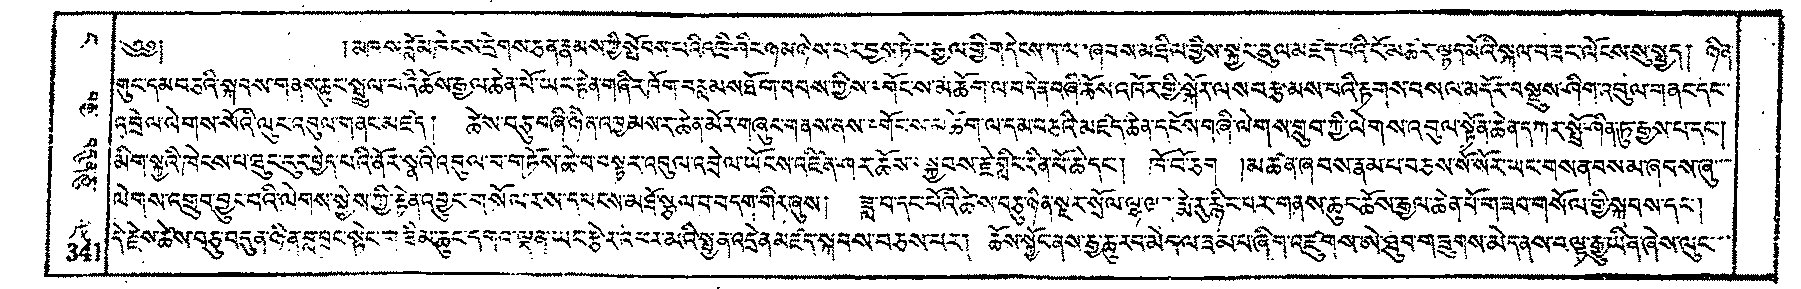༄༅། །མཁས་རློམ་ཁེངས་དྲེགས་ཅན་རྣམས་ཀྱི་སྤོབས་པའི་འཁྲི་ཤིང་ཉམ་ཉེས་པར་བྱས་ཏེ་ང་རྒྱལ་གྱི་གདེངས་ཀ་ལ་ཞབས་མཐིལ་གྱིས་སྐྱང་ནུལ་མཛད་པའི་ངོ་མཚར་ལྟད་མོའི་སྐལ་བཟང་ལོངས་སུ་སྤྱད། ཉིན་
གུང་དམ་བཅའི་སྐབས་གནས་ཆུང་སྤྲུལ་པའི་ཆོས་རྒྱལ་ཆེན་པོ་ཡང་རྟེན་གཞིར་ཁོག་བརླམས་ཐོག་བབས་ཀྱིས་༧གོང་ས་མཆོག་ལ་བདེན་བཞི་ཆོས་འཁོར་གྱི་སྐོར་ལས་བརྩམས་པའི་རྟགས་བསལ་མདོར་བསྡུས་ཤིག་འབུལ་གནང་དང་
འབྲེལ་ལེགས་སོའི་ལུང་འབུལ་གནང་མཛད། ཚེས་བཅུ་བཞི་ཉིན་འཁྱམས་ར་ཆེན་མོར་གཞུང་གནས་ནས་༧གོང་ས་མཆོག་ལ་དམ་བཅའི་མཛད་ཆེན་དངོས་གཞི་ལེགས་གྲུབ་ཀྱི་ལེགས་འབུལ་སྟོན་ཆེན་དཀར་སྤྲོ་ཤིན་ཏུ་རྒྱས་པ་དང་།
མིག་སྐྱའི་ཁེངས་པ་ཐུང་ངུར་བྱེད་པའི་ནོར་སྣའི་འབུལ་བ་གཏོས་ཆེ་བ་བསྟར་འབུལ་འབྲེལ་ཡོངས་འཛིན་ཤར་ཆོས་༧སྐྱབས་རྗེ་གླིང་རིན་པོ་ཆེ་དང་། ཁོ་བོ་ཅག །མཚན་ཞབས་རྣམ་པ་བཅས་སོ་སོར་ཡང་གསན་བསམ་ཞབས་ཞུ་
ལེགས་འགྲུབ་བྱུང་བའི་ལེགས་སྐྱེས་ཀྱི་རྟེན་འབྱུང་གསོལ་རས་དཔངས་མཐོ་སྩལ་བ་བདག་གིར་ཞུས། ཟླ་བ་དང་པོའི་ཚེས་བཅུ་ཉིན་སྔར་སྲོལ་ལྷ་ལྡན་རྨེ་རུ་རྙིང་པར་གནས་ཆུང་ཆོས་རྒྱལ་ཆེན་པོ་གཟབ་གསོལ་གྱི་སྐབས་དང་།
དེ་རྗེས་ཚེས་བཅུ་བདུན་ཉིན་བླ་བྲང་སྟེང་གཟིམ་ཆུང་དགའ་ལྡན་ཡང་རྩེར་འཕར་མའི་སྤྱན་འདྲེན་མཛད་སྐབས་བཅས་པར། ཆོས་སྐྱོང་ནས་རྒྱ་ཆུ་རབ་མེད་ལ་ཟམ་པ་ཞིག་འཛུགས་ཨེ་ཐུབ་གཟུགས་མེད་ནས་བལྟ་རྒྱུ་ཡིན་ཞེས་ལུང་